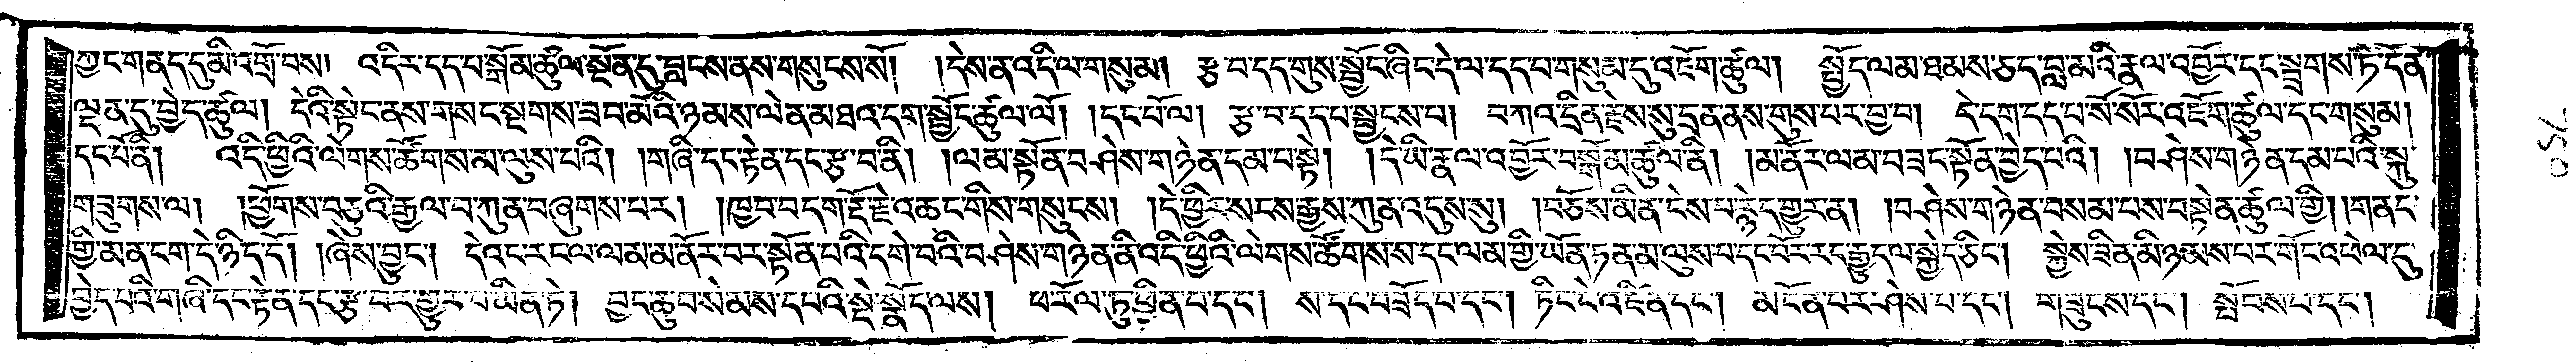ཀྱང་གནད་དུ་མི་འགྲོ་བས། འདིར་དད་པ་སྒོམ་ཚུལ་སྔོན་དུ་བླངས་ནས་གསུངས་སོ། །དེས་ན་འདི་ལ་གསུམ། རྩ་བ་དད་གུས་སྦྱོང་ཞིང་དེ་ལ་དད་པ་གསུམ་དུ་འཇོག་ཚུལ། སྤྱོད་ལམ་ཐམས་ཅད་བླ་མའི་རྣལ་འབྱོར་དང་སྦྲགས་ཏེ་དོན་
ལྡན་དུ་བྱེད་ཚུལ། དེའི་སྟེང་ནས་གསང་སྔགས་ཟབ་མོའི་ཉམས་ལེན་མཐའ་དག་སྦྱོང་ཚུལ་ལོ། །དང་པོ་ལ། རྩ་བ་དད་པ་སྦྱངས་པ། བཀའ་དྲིན་རྗེས་སུ་དྲན་ནས་གུས་པར་བྱ་བ། དེ་དག་དང་པ་སོ་སོར་འཇོག་ཚུལ་དང་གསུམ།
དང་པོ་ནི། འདི་ཕྱིའི་ལེགས་ཚོགས་མ་ལུས་པའི། །གཞི་དང་རྟེན་དང་རྩ་བ་ནི། །ལམ་སྟོན་བཤེས་གཉེན་དམ་པ་སྟེ། །དེ་ཡི་རྣལ་འབྱོར་བསྒོམ་ཚུལ་ནི། །མ་ནོར་ལམ་བཟང་སྟོན་བྱེད་པའི། །བཤེས་གཉེན་དམ་པའི་སྐུ་
གཟུགས་ལ། །ཕྱོགས་བཅུའི་རྒྱལ་བ་ཀུན་བཞུགས་པར། །ཁྱབ་བདག་རྡོ་རྗེ་འཆང་གིས་གསུངས། །དེ་ཕྱིར་སངས་རྒྱས་ཀུན་འདུས་སུ། །བཅོས་མིན་ངེས་པ་རྙེད་གྱུར་ན། །བཤེས་གཉེན་བསམ་པས་བསྟེན་ཚུལ་གྱི༑ ༑གནང་
གྱི་མན་ངག་དེ་ཉིད་དོ། །ཞེས་བྱུང་། དེའང་རང་ལ་ལམ་མ་ནོར་བར་སྟོན་པའི་དགེ་བའི་བཤེས་གཉེན་ནི་འདི་ཕྱིའི་ལེགས་ཚོགས་ས་དང་ལམ་གྱི་ཡོན་ཏན་མ་ལ་ལུས་པ་དང་པོར་རང་རྒྱུད་ལ་སྐྱེད་ཅིང་། སྐྱེས་ཟིན་མི་ཉམས་པར་གོང་འཕེལ་དུ་
བྱེད་པའི་གཞི་དང་རྟེན་དང་རྩ་བར་གྱུར་པ་ཡིན་ཏེ༑ བྱང་ཆུབ་སེམས་དཔའི་སྡེ་སྣོད་ལས། ཕ་རོལ་ཏུ་ཕྱིན་པ་དང་། ས་དང་བཟོད་པ་དང་། ཏིང་ངེ་འཛིན་དང་། མངོན་པར་ཤེས་པ་དང་། གཟུངས་དང་། སྤོབས་པ་དང་།